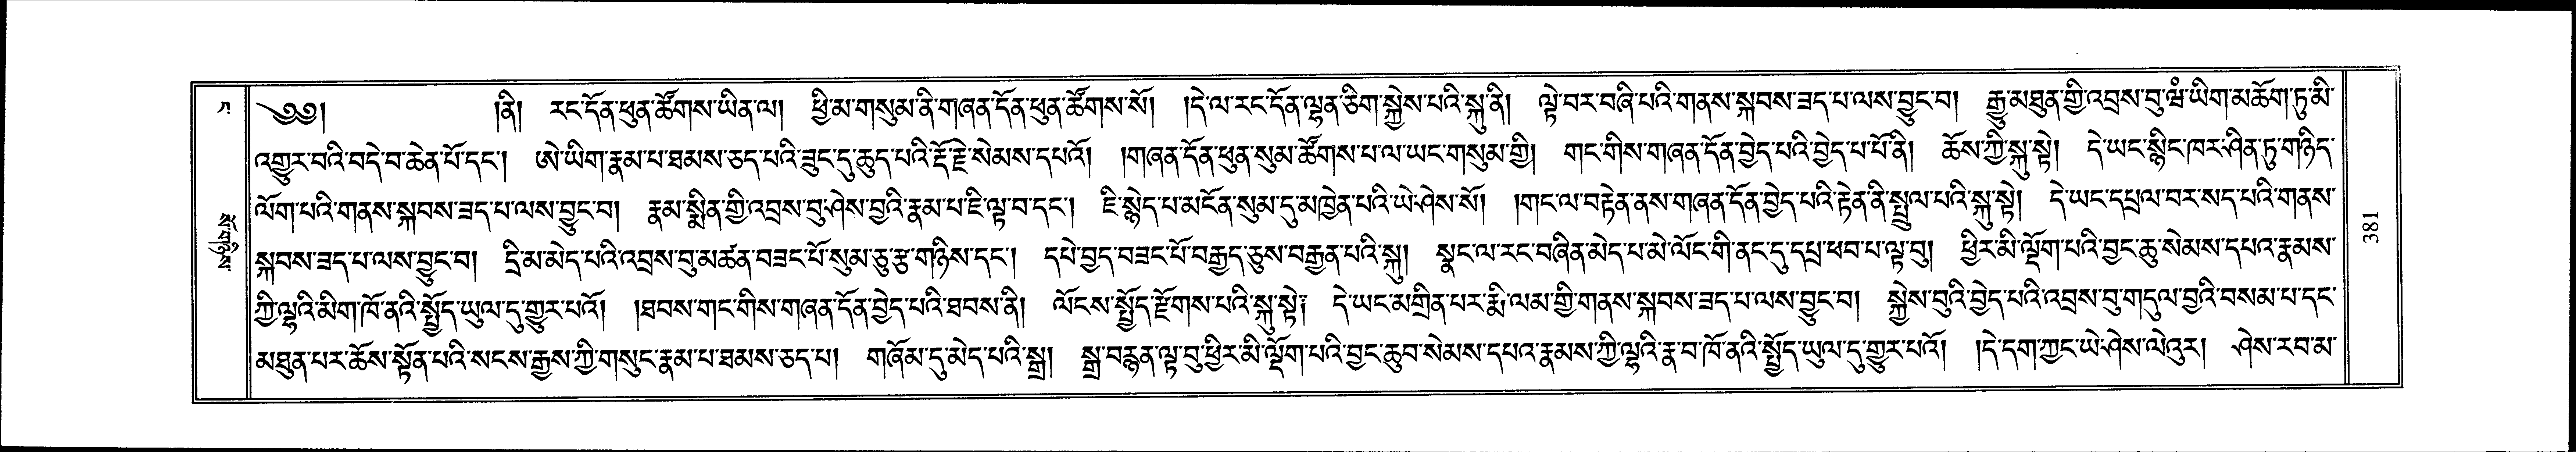༄༅། །ནི། རང་དོན་ཕུན་ཚོགས་ཡིན་ལ། ཕྱི་མ་གསུམ་ནི་གཞན་དོན་ཕུན་ཚོགས་སོ། །དེ་ལ་རང་དོན་ལྷན་ཅིག་སྐྱེས་པའི་སྐུ་ནི། ལྟེ་བར་བཞི་པའི་གནས་སྐབས་ཟད་པ་ལས་བྱུང་བ། རྒྱུ་མཐུན་གྱི་འབྲས་བུ་ཝཾ་ཡིག་མཆོག་ཏུ་མི་
འགྱུར་བའི་བདེ་བ་ཆེན་པོ་དང་། ཨེ་ཡིག་རྣམ་པ་ཐམས་ཅད་པའི་ཟུང་དུ་ཆུད་པའི་རྡོ་རྗེ་སེམས་དཔའོ། །གཞན་དོན་ཕུན་སུམ་ཚོགས་པ་ལ་ཡང་གསུམ་གྱི། གང་གིས་གཞན་དོན་བྱེད་པའི་བྱེད་པ་པོ་ནི། ཆོས་ཀྱི་སྐུ་སྟེ། དེ་ཡང་སྙིང་ཁར་ཤིན་ཏུ་གཉིད་
ལོག་པའི་གནས་སྐབས་ཟད་པ་ལས་བྱུང་བ། རྣམ་སྨིན་གྱི་འབྲས་བུ་ཤེས་བྱའི་རྣམ་པ་ཇི་ལྟ་བ་དང་། ཇི་སྙེད་པ་མངོན་སུམ་དུ་མཁྱེན་པའི་ཡེ་ཤེས་སོ། །གང་ལ་བརྟེན་ནས་གཞན་དོན་བྱེད་པའི་རྟེན་ནི་སྤྲུལ་པའི་སྐུ་སྟེ། དེ་ཡང་དཔྲལ་བར་སད་པའི་གནས་
སྐབས་ཟད་པ་ལས་བྱུང་བ། དྲི་མ་མེད་པའི་འབྲས་བུ་མཚན་བཟང་པོ་སུམ་ཅུ་རྩ་གཉིས་དང་། དཔེ་བྱད་བཟང་པོ་བརྒྱད་ཅུས་བརྒྱན་པའི་སྐུ། སྣང་ལ་རང་བཞིན་མེད་པ་མེ་ལོང་གི་ནང་དུ་དཔྲ་ཕབ་པ་ལྟ་བུ། ཕྱིར་མི་ལྡོག་པའི་བྱང་ཆུབ་སེམས་དཔའ་རྣམས་
ཀྱི་ལྷའི་མིག་ཁོ་ནའི་སྤྱོད་ཡུལ་དུ་གྱུར་པའོ། །ཐབས་གང་གིས་གཞན་དོན་བྱེད་པའི་ཐབས་ནི། ལོངས་སྤྱོད་རྫོགས་པའི་སྐུ་སྟེ། དེ་ཡང་མགྲིན་པར་རྨི་ལམ་གྱི་གནས་སྐབས་ཟད་པ་ལས་བྱུང་བ། སྐྱེས་བུའི་བྱེད་པའི་འབྲས་བུ་གདུལ་བྱའི་བསམ་པ་དང་
མཐུན་པར་ཆོས་སྟོན་པའི་སངས་རྒྱས་ཀྱི་གསུང་རྣམ་པ་ཐམས་ཅད་པ། གཞོམ་དུ་མེད་པའི་སྒྲ། སྒྲ་བརྙན་ལྟ་བུ་ཕྱིར་མི་ལྡོག་པའི་བྱང་ཆུབ་སེམས་དཔའ་རྣམས་ཀྱི་ལྷའི་རྣ་བ་ཁོ་ནའི་སྤྱོད་ཡུལ་དུ་གྱུར་པའོ། །དེ་དག་ཀྱང་ཡེ་ཤེས་ལེའུར། ཤེས་རབ་མ་